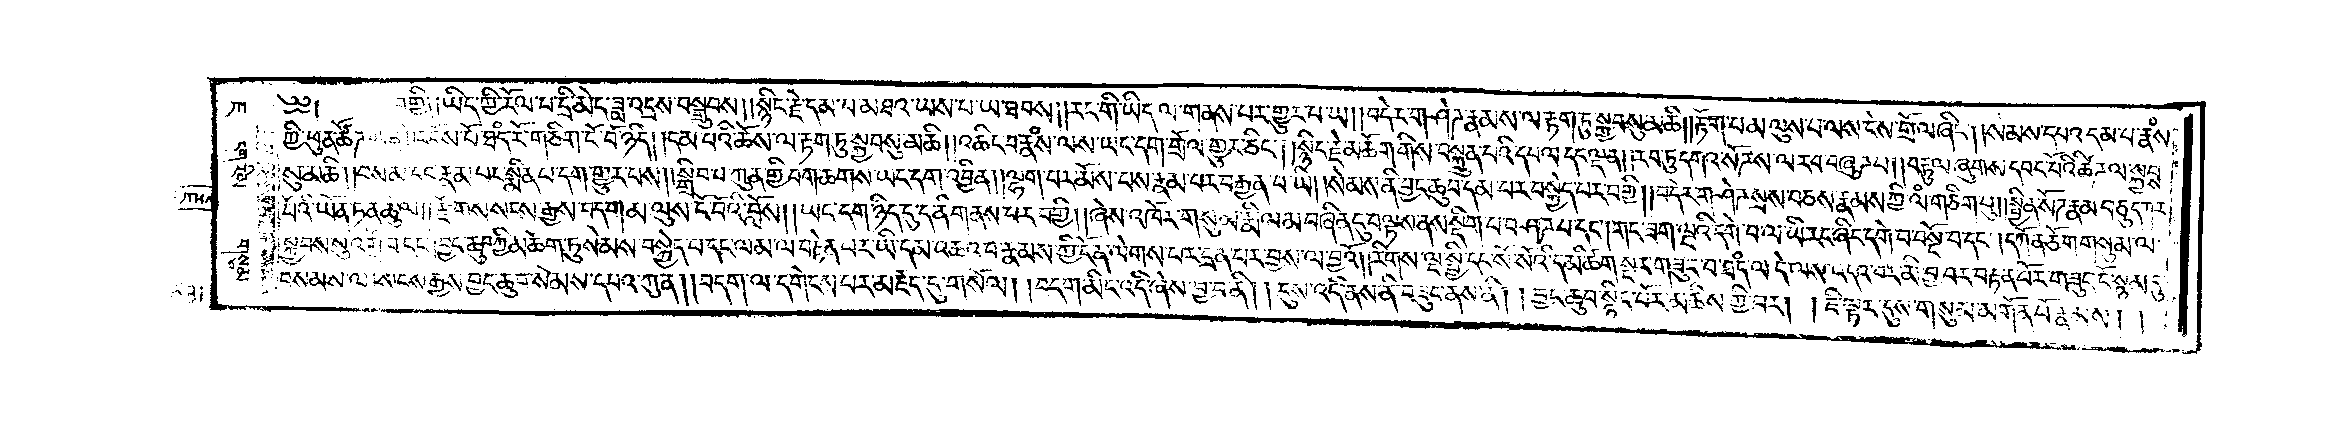༄༅། །བགྱི༑ ༑ཡིད་ཀྱི་རོལ་པ་དྲི་མེད་ཟླ་འདྲས་བསྒྲུབས། །སྙིང་རྗེ་དམ་པ་མཐའ་ཡས་པ་ཡི་ཐབས། །རང་གི་ཡིད་ལ་གནས་པར་གྱུར་པ་ཡི། །བདེར་གཤེགས་རྣམས་ལ་རྟག་ཏུ་སྐྱབས་སུ་མཆི། །རྟོག་པ་མ་ལུས་པ་ལས་ངེས་གྲོལ་ཞིང་། །སེམས་དཔའ་དམ་པ་རྣམས་
ཀྱི་ཕུན་ཚོགས་གཞི། །དངོས་པོ་ཐམས་ཅད་རོ་གཅིག་ངོ་བོ་ཉིད། །དམ་པའི་ཆོས་ལ་རྟག་ཏུ་སྐྱབས་སུ་མཆི། །འཆིང་བ་རྣམས་ལས་ཡང་དག་གྲོལ་གྱུར་ཅིང་། །སྙིང་རྗེ་མཆོག་གིས་བསྐྲུན་པའི་དཔལ་དང་ལྡན། །རབ་ཏུ་དགའ་སོགས་ས་ལ་རབ་བཞུགས་པ། །བརྟུལ་ཞུགས་དབང་པོའི་ཚོགས་ལ་སྐྱབས་
སུ་མཆི། །བསམ་དང་རྣམ་པར་སྨིན་པ་དག་གྱུར་པས། །སྒྲིབ་པ་ཀུན་གྱི་བག་ཆགས་ཡང་དག་འབྱིན། །ལྷག་པར་མོས་པས་རྣམ་པར་བརྒྱན་པ་ཡི། །སེམས་ནི་བྱང་ཆུབ་དམ་པར་བསྐྱེད་པར་བགྱི། །བདེར་གཤེགས་སྲས་བཅས་རྣམས་ཀྱི་ལཾ་གཅིག་པུ། །སྦྱིན་སོགས་རྣམ་བཅུ་དཀར་
པོའི་ཡོན་ཏན་ཚུལ། །རྫོགས་སངས་རྒྱས་བདག་མ་ལུས་ངོ་བོའི་བློས། །ཡང་དག་ཉིད་དུ་ད་ནི་གནས་པར་བགྱི། །ཞེས་འཁོར་གསུམ་རྨི་ལམ་བཞིན་དུ་བལྟས་ནས་སྡིག་པ་བཤཌ་པ་དང་། གང་ཟག་ལྔའི་དགེ་བ་ལ་ཡི་རང་ཞིང་དགེ་བ་བསྔོ་བ་དང་། དཀོན་ཅོག་གསུམ་ལ་
སྐྱབས་སུ་འགྲོ་བ་དང་། བྱང་ཆུབ་ཀྱི་མཆོག་ཏུ་སེམས་བསྐྱེད་པ་དང་ལམ་ལ་བརྟེན་པར་ཡི་དམ་འཆའ་བ་རྣམས་ཀྱི་དོན་ལེགས་པར་དྲན་པར་བྱས་ལ་བྱའོ། །རིགས་ལྔ་སྤྱི་དང་སོ་སོའི་དམ་ཚིག་སྔར་གཟུང་བ་ཐམས་ཅད་ལ་དེ་ལས་འདའ་བར་མི་བྱ་བར་བརྟན་པོར་གཟུང་ངོ་སྙམ་དུ་
བསམས་ལ། སངས་རྒྱས་བྱང་ཆུབ་སེམས་དཔའ་ཀུན། །བདག་ལ་དགོངས་པར་མཛད་དུ་གསོལ། །བདག་མིང་འདི་ཞེས་བྱ་བ་ནི། །དུས་འདི་ནས་ནི་བཟུང་ནས་ནི། །བྱང་ཆུབ་སྙིང་པོར་མཆིས་ཀྱི་བར། །ཇི་ལྟར་དུས་གསུམ་མགོན་པོ་རྣམས། །